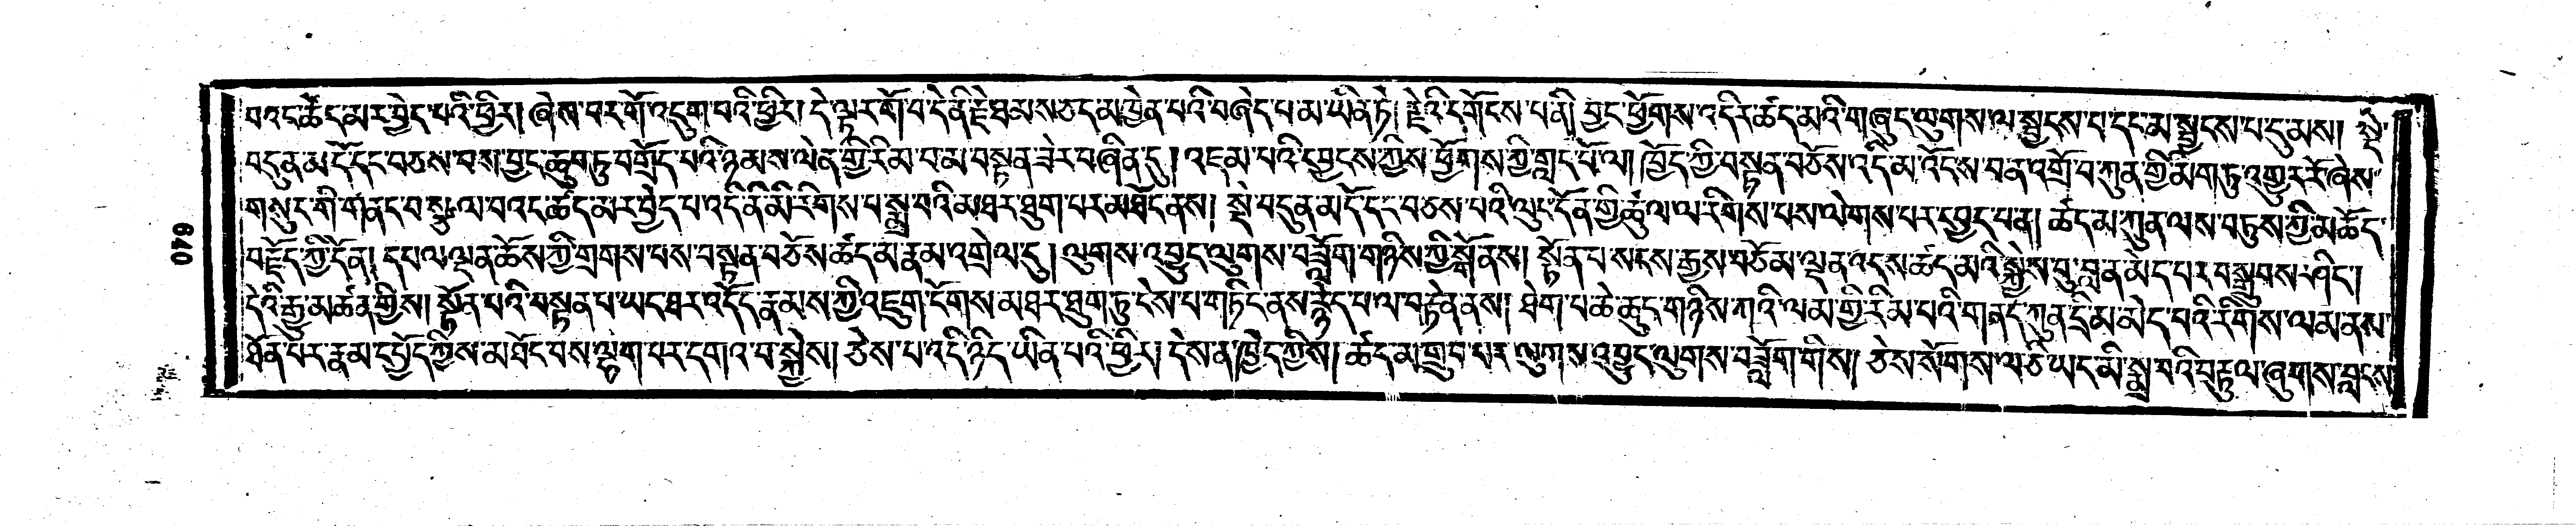བའང་ཚད་མར་བྱེད་པའི་ཕྱིར། ཞེས་པར་གོ་འདུག་པའི་ཕྱིར། དེ་ལྟར་གོ་བ་དེ་ནི་རྗེ་ཐམས་ཅད་མཁྱེན་པའི་བཞེད་པ་མ་ཡིན་ཏེ། རྗེའི་དགོངས་པ་ནི། བྱང་ཕྱོགས་འདིར་ཚད་མའི་གཞུང་ལུགས་ལ་སྦྱངས་པ་དང་མ་སྦྱངས་པ་དུ་མས། སྡེ་
བདུན་མདོ་དང་བཅས་པས་བྱང་ཆུབ་ཏུ་བགྲོད་པའི་ཉམས་ལེན་གྱི་རིམ་པ་མ་བསྟན་ཟེར་བཞིན་དུ། འཇམ་པའི་དབྱངས་ཀྱིས་ཕྱོགས་ཀྱི་གླང་པོ་ལ། ཁྱོད་ཀྱི་བསྟན་བཅོས་འདི་མ་འོངས་པ་ན་འགྲོ་བ་ཀུན་གྱི་མིག་ཏུ་འགྱུར་རོ་ཞེས་
གསུང་གི་གནང་བ་སྩལ་བའང་ཚད་མར་བྱེད་པ་འདི་ནི་མི་རིགས་པ་སྨྲ་བའི་མཐར་ཐུག་པར་མཐོང་ནས། སྡེ་བདུན་མདོ་དང་བཅས་པའི་ལུང་དོན་གྱི་ཚུལ་ལ་རིགས་པས་ལེགས་པར་དཔྱད་པ་ན། ཚད་མ་ཀུན་ལས་བཏུས་ཀྱི་མཆོད་
བརྗོད་ཀྱི་དོན། དཔལ་ལྡན་ཆོས་ཀྱི་གྲགས་པས་བསྟན་བཅོས་ཚད་མ་རྣམ་འགྲེལ་དུ། ལུགས་འབྱུང་ལུགས་བཟློག་གཉིས་ཀྱི་སྒོ་ནས། སྟོན་པ་སངས་རྒྱས་བཅོམ་ལྡན་འདས་ཚད་མའི་སྐྱེས་བུ་བླ་ན་མེད་པར་བསྒྲུབས་ཤིང་།
དེའི་རྒྱུ་མཚན་གྱིས། སྟོན་པའི་བསྟན་པ་ཡང་ཐར་འདོད་རྣམས་ཀྱི་འཇུག་ངོགས་མཐར་ཐུག་ཏུ་ངེས་པ་གཏིང་ནས་རྙེད་པ་ལ་བརྟེན་ནས། ཐེག་པ་ཆེ་ཆུང་གཉིས་ཀའི་ལམ་གྱི་རིམ་པའི་གནད་ཀུན་དྲི་མ་མེད་པའི་རིགས་ལམ་ནས་
ཐོན་པར་རྣམ་དཔྱོད་ཀྱིས་མཐོང་བས་ལྷག་པར་དགའ་བ་སྐྱེས། ཅེས་པ་འདི་ཉིད་ཡིན་པའི་ཕྱིར། དེས་ན་ཁྱེད་ཀྱིས། ཚད་མ་གྲུབ་པར་ལུགས་འབྱུང་ལུགས་བཟློག་གིས། ཅེས་སོགས་ལ་ཅི་ཡང་མི་སྨྲ་བའི་བརྟུལ་ཞུགས་བླངས་